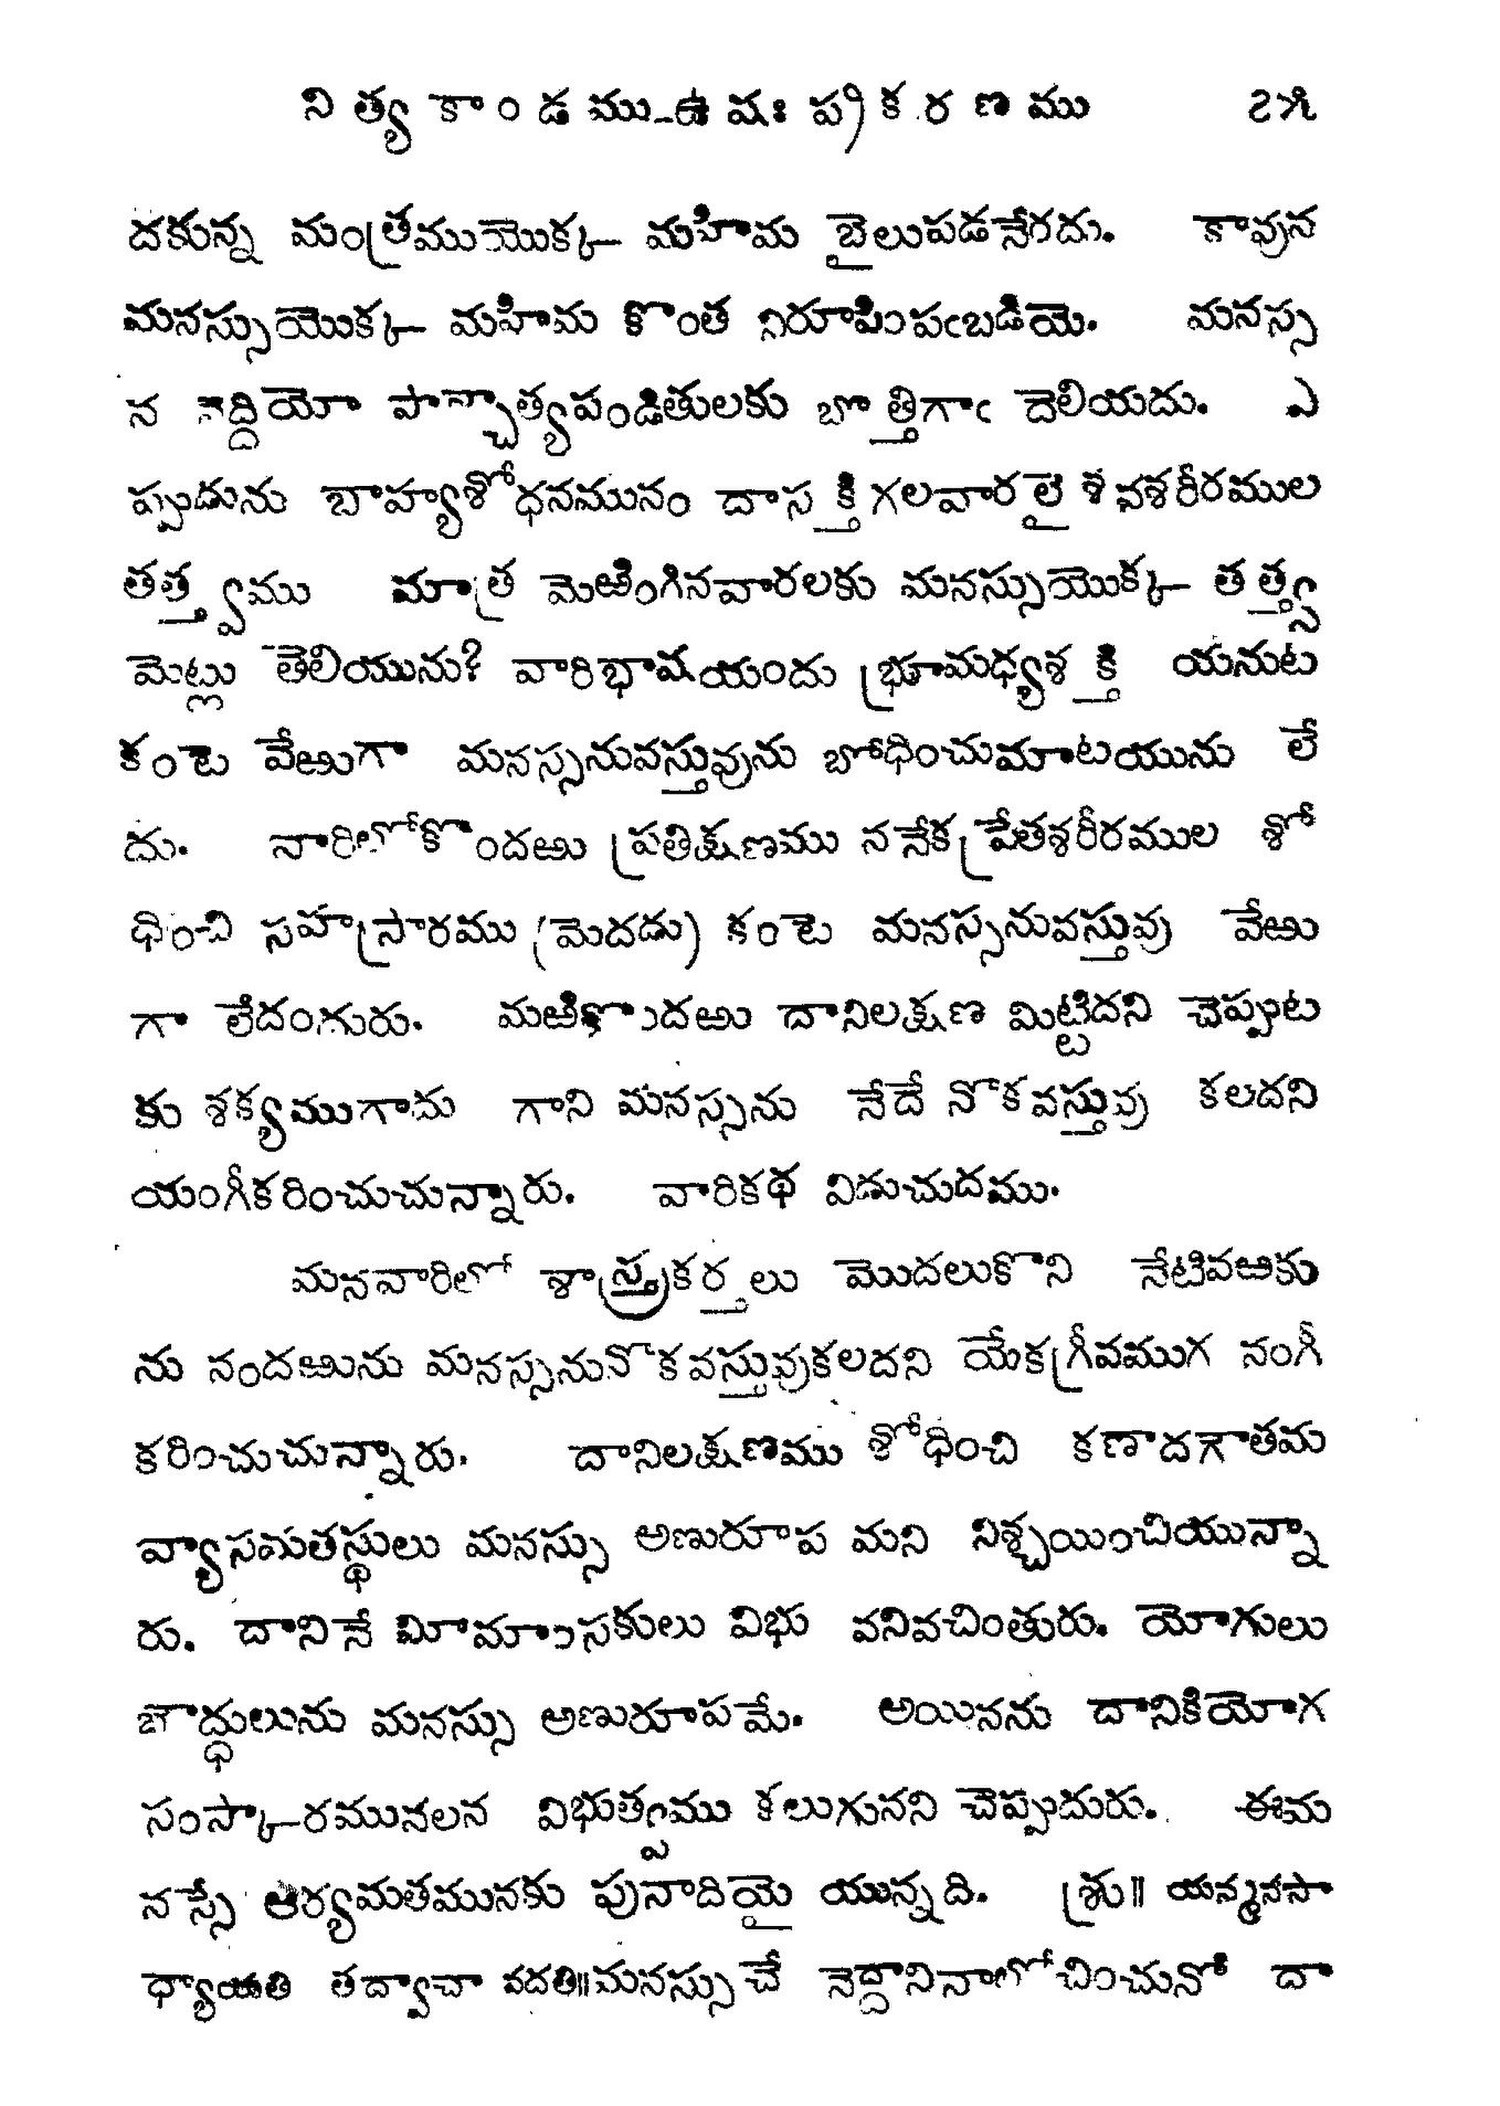దకున్న మంత్రముయొక్క మహిమ బైలుపడనేరదు. కావున మనస్సుయొక్క మహిమ కొంత నిరూపింపఁబడియె. మనస్సన నెద్దియో పాశ్చాత్యపండితులకు బొత్తిగాఁ దెలియదు. ఎప్పుడును బాహ్యశోధనమునం దాసక్తిగలవారలై శవశరీరముల తత్త్వము మాత్ర మెఱింగినవారలకు మనస్సుయొక్క తత్త్వ మెట్లు తెలియును? వారిభాషయందు భ్రూమధ్యశక్తి యనుట కంటె వేఱుగా మనస్సనువస్తువును బోధించుమాటయును లేదు. వారిలోకొందఱు ప్రతిక్షణము ననేకప్రేతశరీరముల శోధించి సహస్రారము (మెదడు) కంటె మనస్సనువస్తువు వేఱుగా లేదందురు.
మఱికొందఱు దానిలక్షణ మిట్టిదని చెప్పుటకు శక్యముగాదు గాని మనస్సను నేదే నొకవస్తువు కలదని
యంగీకరించుచున్నారు. వారికథ విడుచుదము.

మనవారిలో శాస్త్రకర్తలు మొదలుకొని నేటివఱకును నందఱును మనస్సనునొకవస్తువుకలదని యేకగ్రీవముగ నంగీకరించుచున్నారు. దానిలక్షణము శోధించి కణాదగౌతమవ్యాసమతస్థులు మనస్సు అణురూప మని నిశ్చయించియున్నారు. దానినే మీమాంసకులు విభు వనివచింతురు. యోగులు బౌద్ధులును మనస్సు అణురూపమే.
అయినను దానికియోగ సంస్కారమునలన విభుత్వము కలుగునని చెప్పుదురు. ఈమనస్సే ఆర్యమతమునకు పునాదియై యున్నది. శ్రు॥ యస్మనసాధ్యాయతి తద్వాచా వదతి॥ మనస్సుచే నెద్దానినాలోచించునో దా